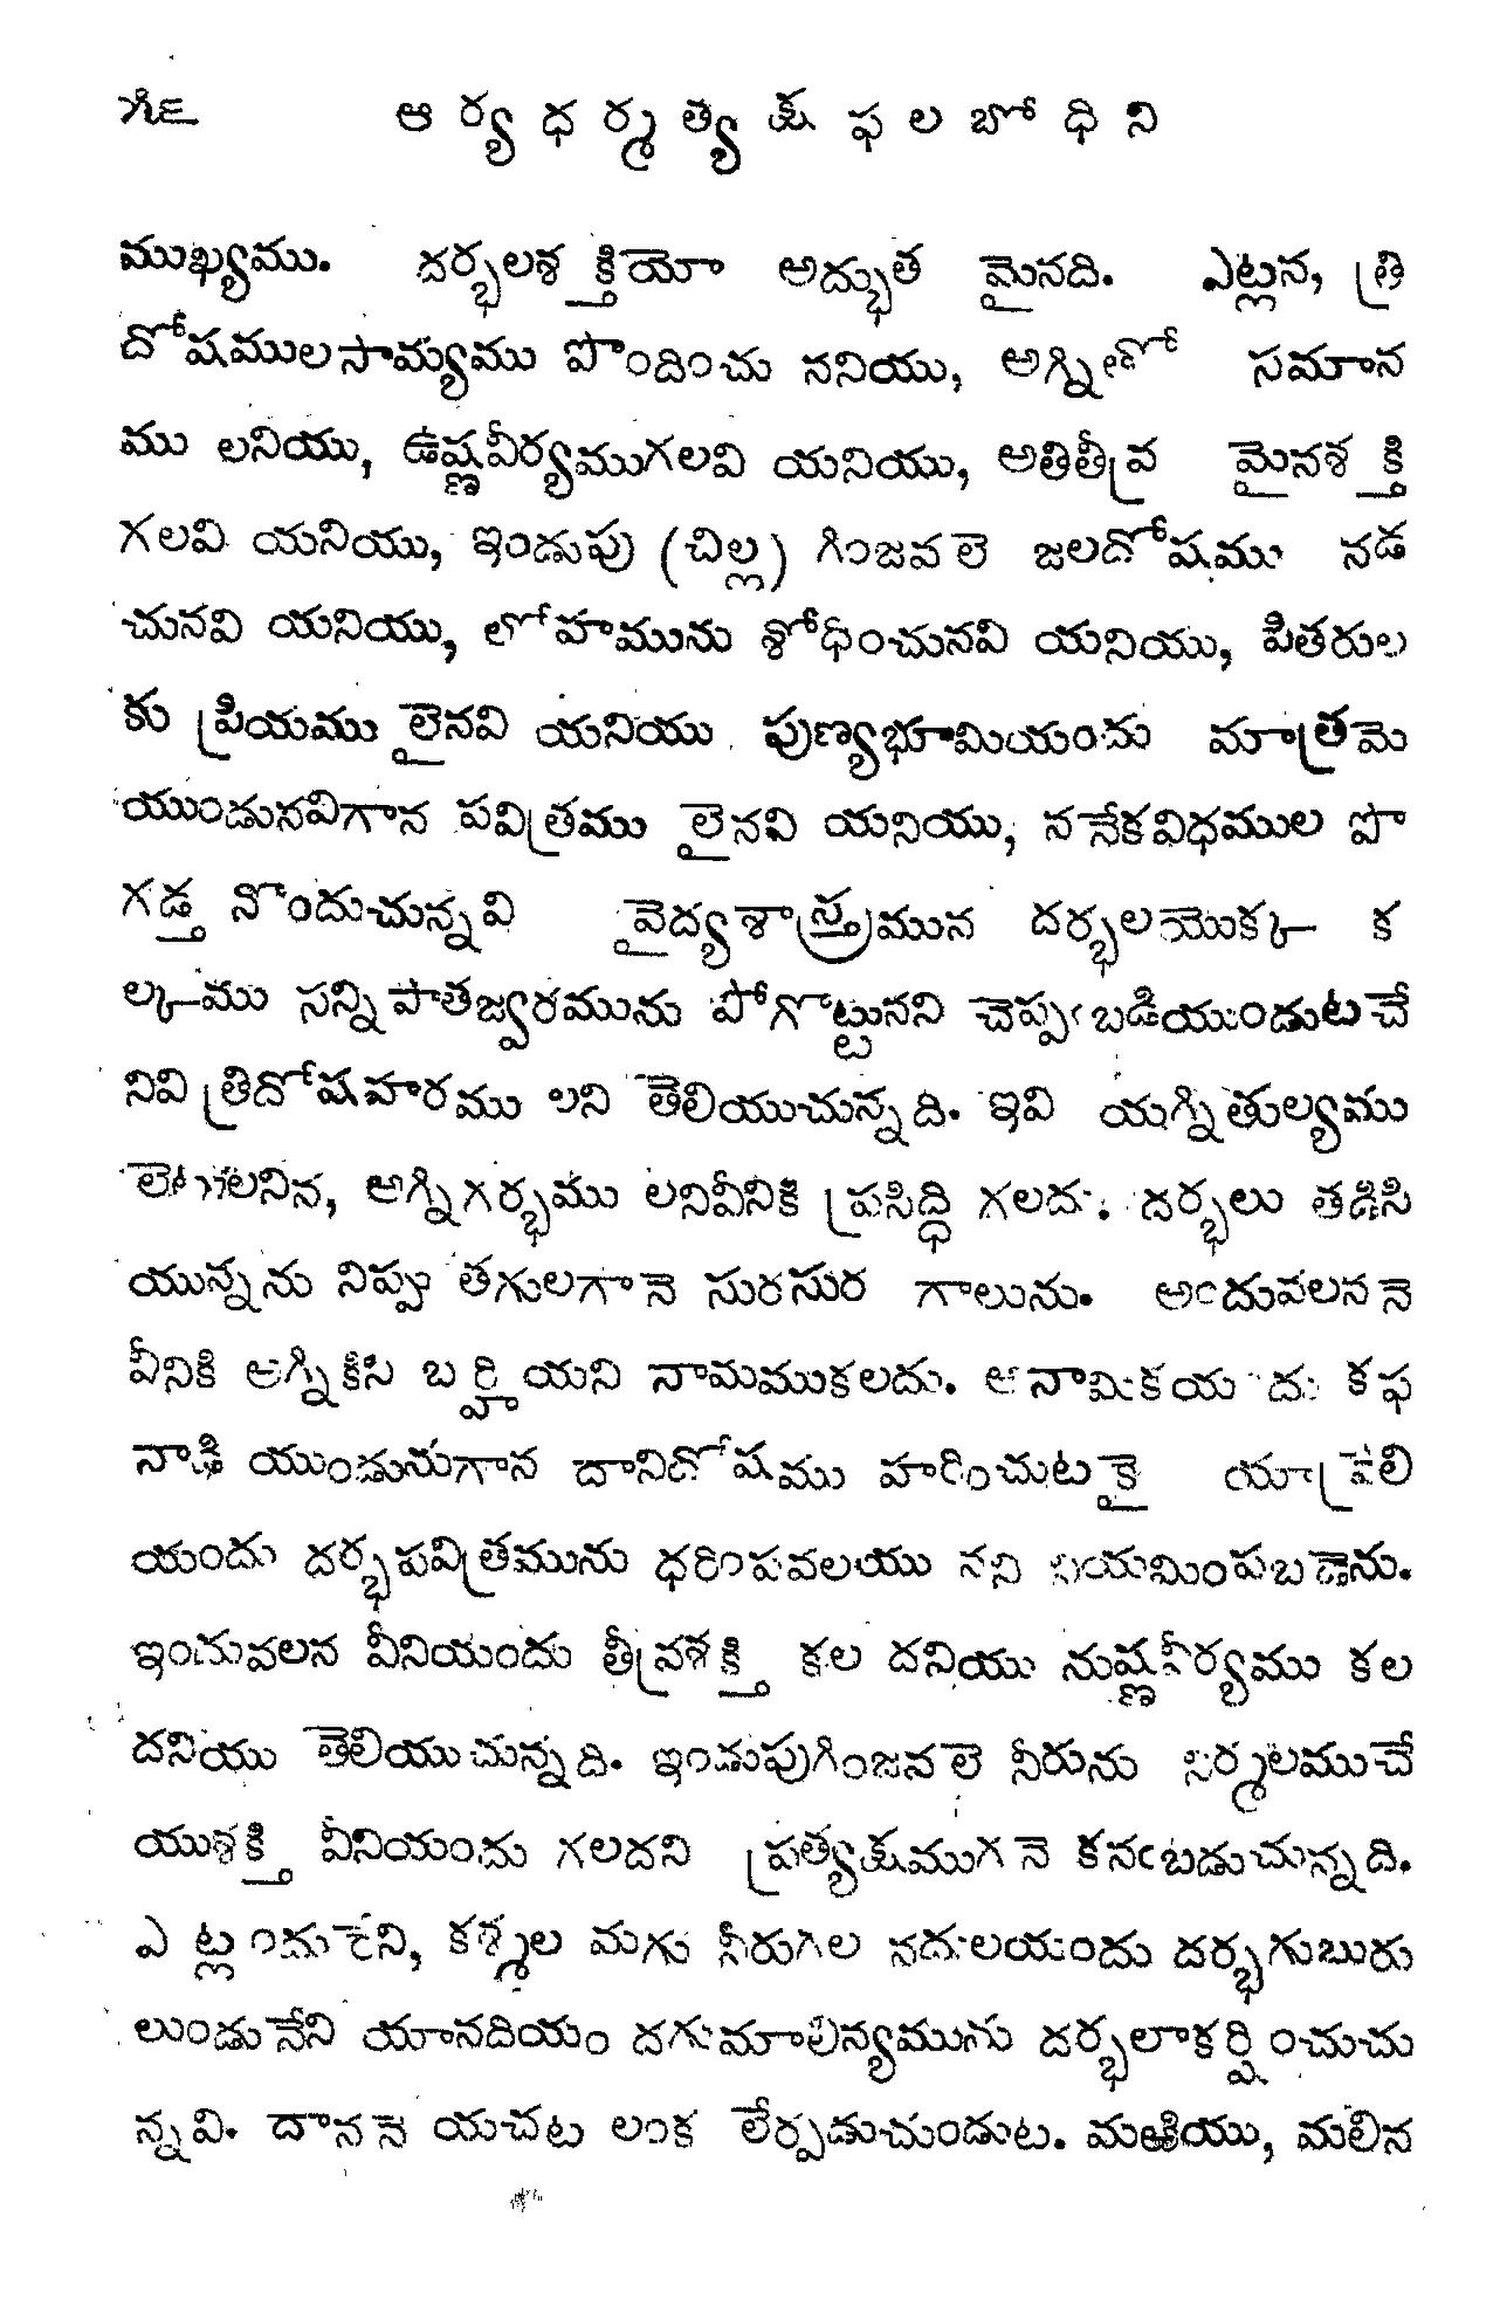ముఖ్యము. దర్భలశక్తియో అద్భుత మైనది. ఎట్లన, త్రిదోషములసామ్యము పొందించు ననియు, అగ్నితో సమానము లనియు, ఉష్ణవీర్యముగలవి యనియు, అతితీవ్ర మైనశక్తిగలవి యనియు, ఇండుపు (చిల్ల) గింజవలె జలదోషము నడచునవి యనియు, లోహమును శోధించునవి యనియు, పితరులకు ప్రియము లైనవి యనియు పుణ్యభూమియందు మాత్రమె యుండునవిగాన పవిత్రము లైనవి యనియు, ననేకవిధముల పొగడ్త నొందుచున్నవి. వైద్యశాస్త్రమున దర్భలయొక్క కల్కము సన్నిపాతజ్వరమును పోగొట్టునని చెప్పఁబడియుండుటచే
నివి త్రిదోషహరము లని తెలియుచున్నది. ఇవి యగ్నితుల్యము లెటులనిన, అగ్నిగర్భము లనివీనికి ప్రసిద్ధి గలదు, దర్భలు తడిసియున్నను నిప్పు తగులగానే సురసుర గాలును. అందువలననె వీనికి అగ్నికిని బర్హియని నామముకలదు. అనామికయందు: కఫనాడి యుండునుగాన దానిదోషము హరించుటకై యావ్రేలియందు దర్భపవిత్రమును ధరింపవలయు నని నియమింపబడెను. ఇందువలన వీనియందు తీవ్రశక్తి కల దనియు నుష్ణవీర్యము కలదనియు తెలియుచున్నది. ఇండుపుగింజవలె నీరును నిర్మలముచేయుశక్తి వీనియందు గలదని ప్రత్యక్షముగనె కనఁబడుచున్నది. ఎట్లందురేని, కశ్మల మగు నీరుగల నదులయందు దర్భగుబురు లుండునేని యానదియం దగుమాలిన్యమును దర్భలాకర్షించుచున్నవి. దాననె యచట లంక లేర్పడుచుండుట. మఱియు, మలిన